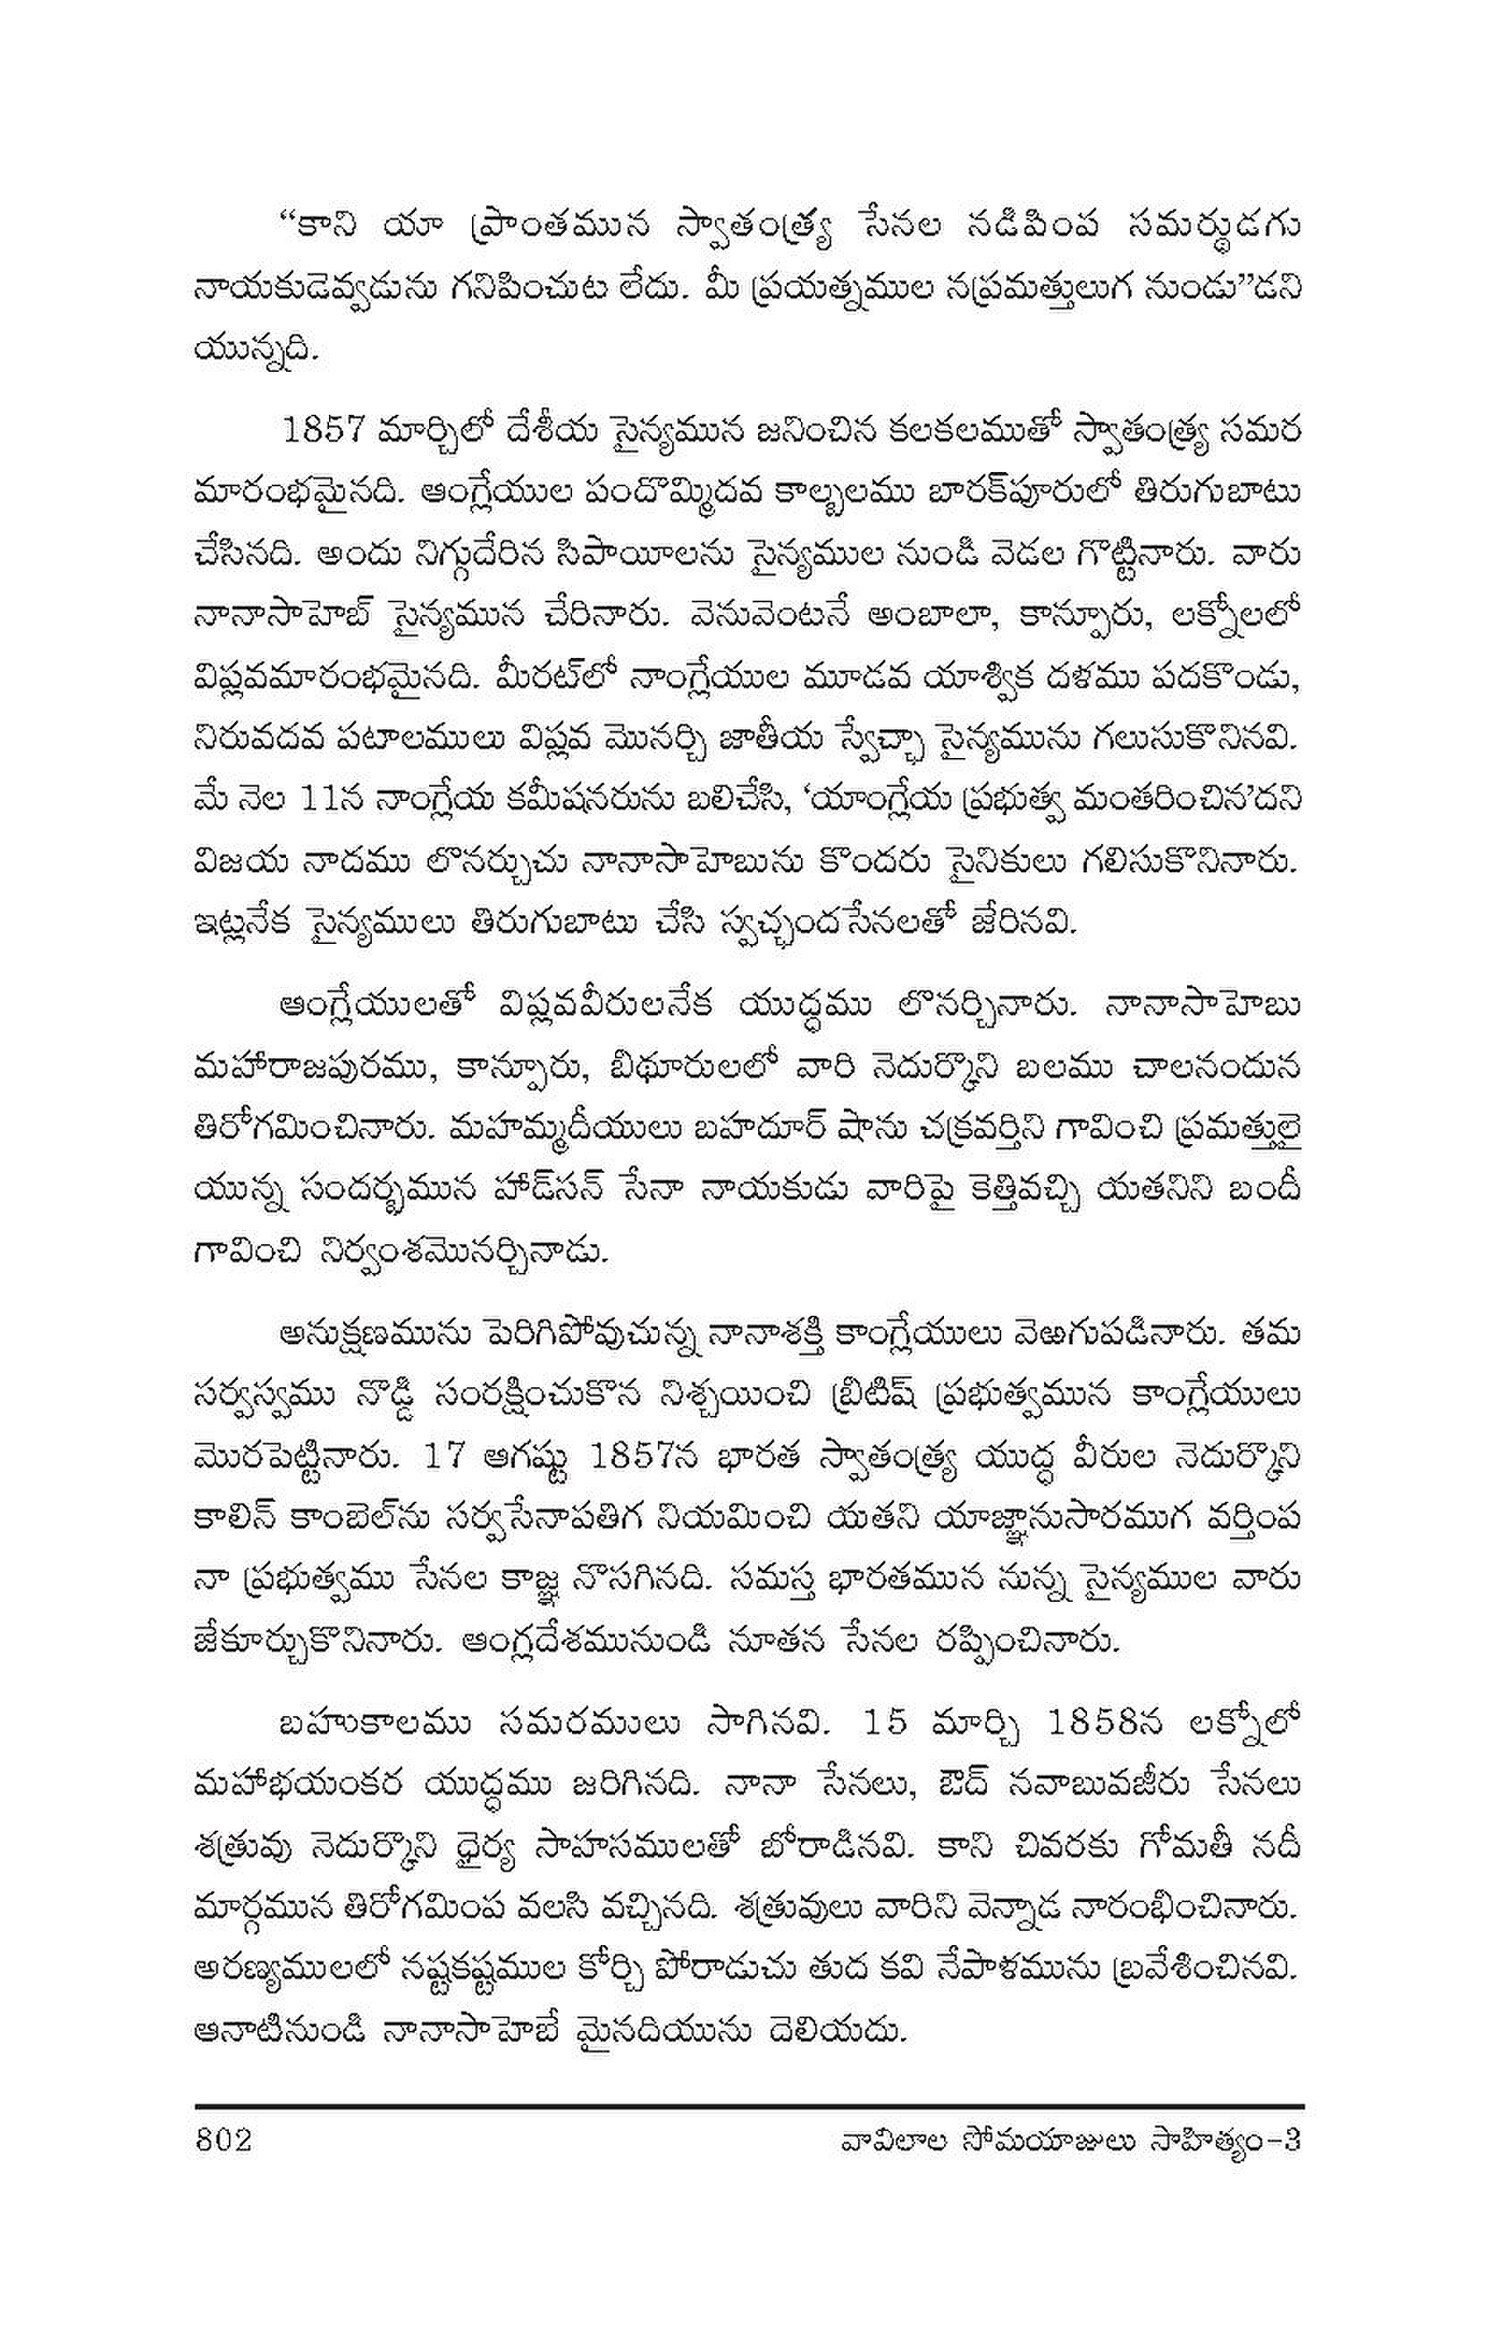"కాని యా ప్రాంతమున స్వాతంత్ర్య సేనల నడిపింప సమర్థుడగు నాయకుడెవ్వడును గనిపించుట లేదు. మీ ప్రయత్నముల నప్రమత్తులుగ నుండు"డని యున్నది.

1857 మార్చిలో దేశీయ సైన్యమున జనించిన కలకలముతో స్వాతంత్ర్య సమర మారంభమైనది. ఆంగ్లేయుల పందొమ్మిదవ కాల్బలము బారక్పూరులో తిరుగుబాటు చేసినది. అందు నిగ్గుదేరిన సిపాయీలను సైన్యముల నుండి వెడల గొట్టినారు. వారు నానాసాహెబ్ సైన్యమున చేరినారు. వెనువెంటనే అంబాలా, కాన్పూరు, లక్నోలలో విప్లవమారంభమైనది. మీరట్లో నాంగ్లేయుల మూడవ యాశ్విక దళము పదకొండు, నిరువదవ పటాలములు విప్లవ మొనర్చి జాతీయ స్వేచ్ఛా సైన్యమును గలుసుకొనినవి. మే నెల 11న నాంగ్లేయ కమీషనరును బలిచేసి, 'యాంగ్లేయ ప్రభుత్వ మంతరించిన దని విజయ నాదము లొనర్చుచు నానాసాహెబును కొందరు సైనికులు గలిసుకొనినారు. ఇట్లనేక సైన్యములు తిరుగుబాటు చేసి స్వచ్ఛందసేనలతో జేరినవి.

ఆంగ్లేయులతో విప్లవవీరులనేక యుద్ధము లొనర్చినారు. నానాసాహెబు మహారాజపురము, కాన్పూరు, బిథూరులలో వారి నెదుర్కొని బలము చాలనందున తిరోగమించినారు. మహమ్మదీయులు బహదూర్ షాను చక్రవర్తిని గావించి ప్రమత్తులై యున్న సందర్భమున హాడ్సన్ సేనా నాయకుడు వారిపై కెత్తివచ్చి యతనిని బందీ గావించి నిర్వంశమొనర్చినాడు.

అనుక్షణమును పెరిగిపోవుచున్న నానాశక్తి కాంగ్లేయులు వెఱగుపడినారు. తమ సర్వస్వము నొడ్డి సంరక్షించుకొన నిశ్చయించి బ్రిటిష్ ప్రభుత్వమున కాంగ్లేయులు మొరపెట్టినారు. 17 ఆగష్టు 1857న భారత స్వాతంత్ర్య యుద్ధ వీరుల నెదుర్కొని కాలిన్ కాంబెల్ను సర్వ సేనాపతిగా నియమించి యతని యాజ్ఞానుసారముగ వర్తింప నా ప్రభుత్వము సేనల కాజ్ఞ నొసగినది. సమస్త భారతమున నున్న సైన్యముల వారు జేకూర్చుకొనినారు. ఆంగ్లదేశమునుండి నూతన సేనల రప్పించినారు.

బహుకాలము సమరములు సాగినవి. 15 మార్చి 1858న లక్నోలో మహాభయంకర యుద్ధము జరిగినది. నానా సేనలు, ఔద్ నవాబువజీరు సేనలు శత్రువు నెదుర్కొని ధైర్య సాహసములతో బోరాడినవి. కాని చివరకు గోమతీ నదీ మార్గమున తిరోగమింప వలసి వచ్చినది. శత్రువులు వారిని వెన్నాడ నారంభించినారు. అరణ్యములలో నష్టకష్టముల కోర్చి పోరాడుచు తుద కవి నేపాళమును బ్రవేశించినవి. ఆనాటినుండి నానాసాహెబే మైనదియును దెలియదు.